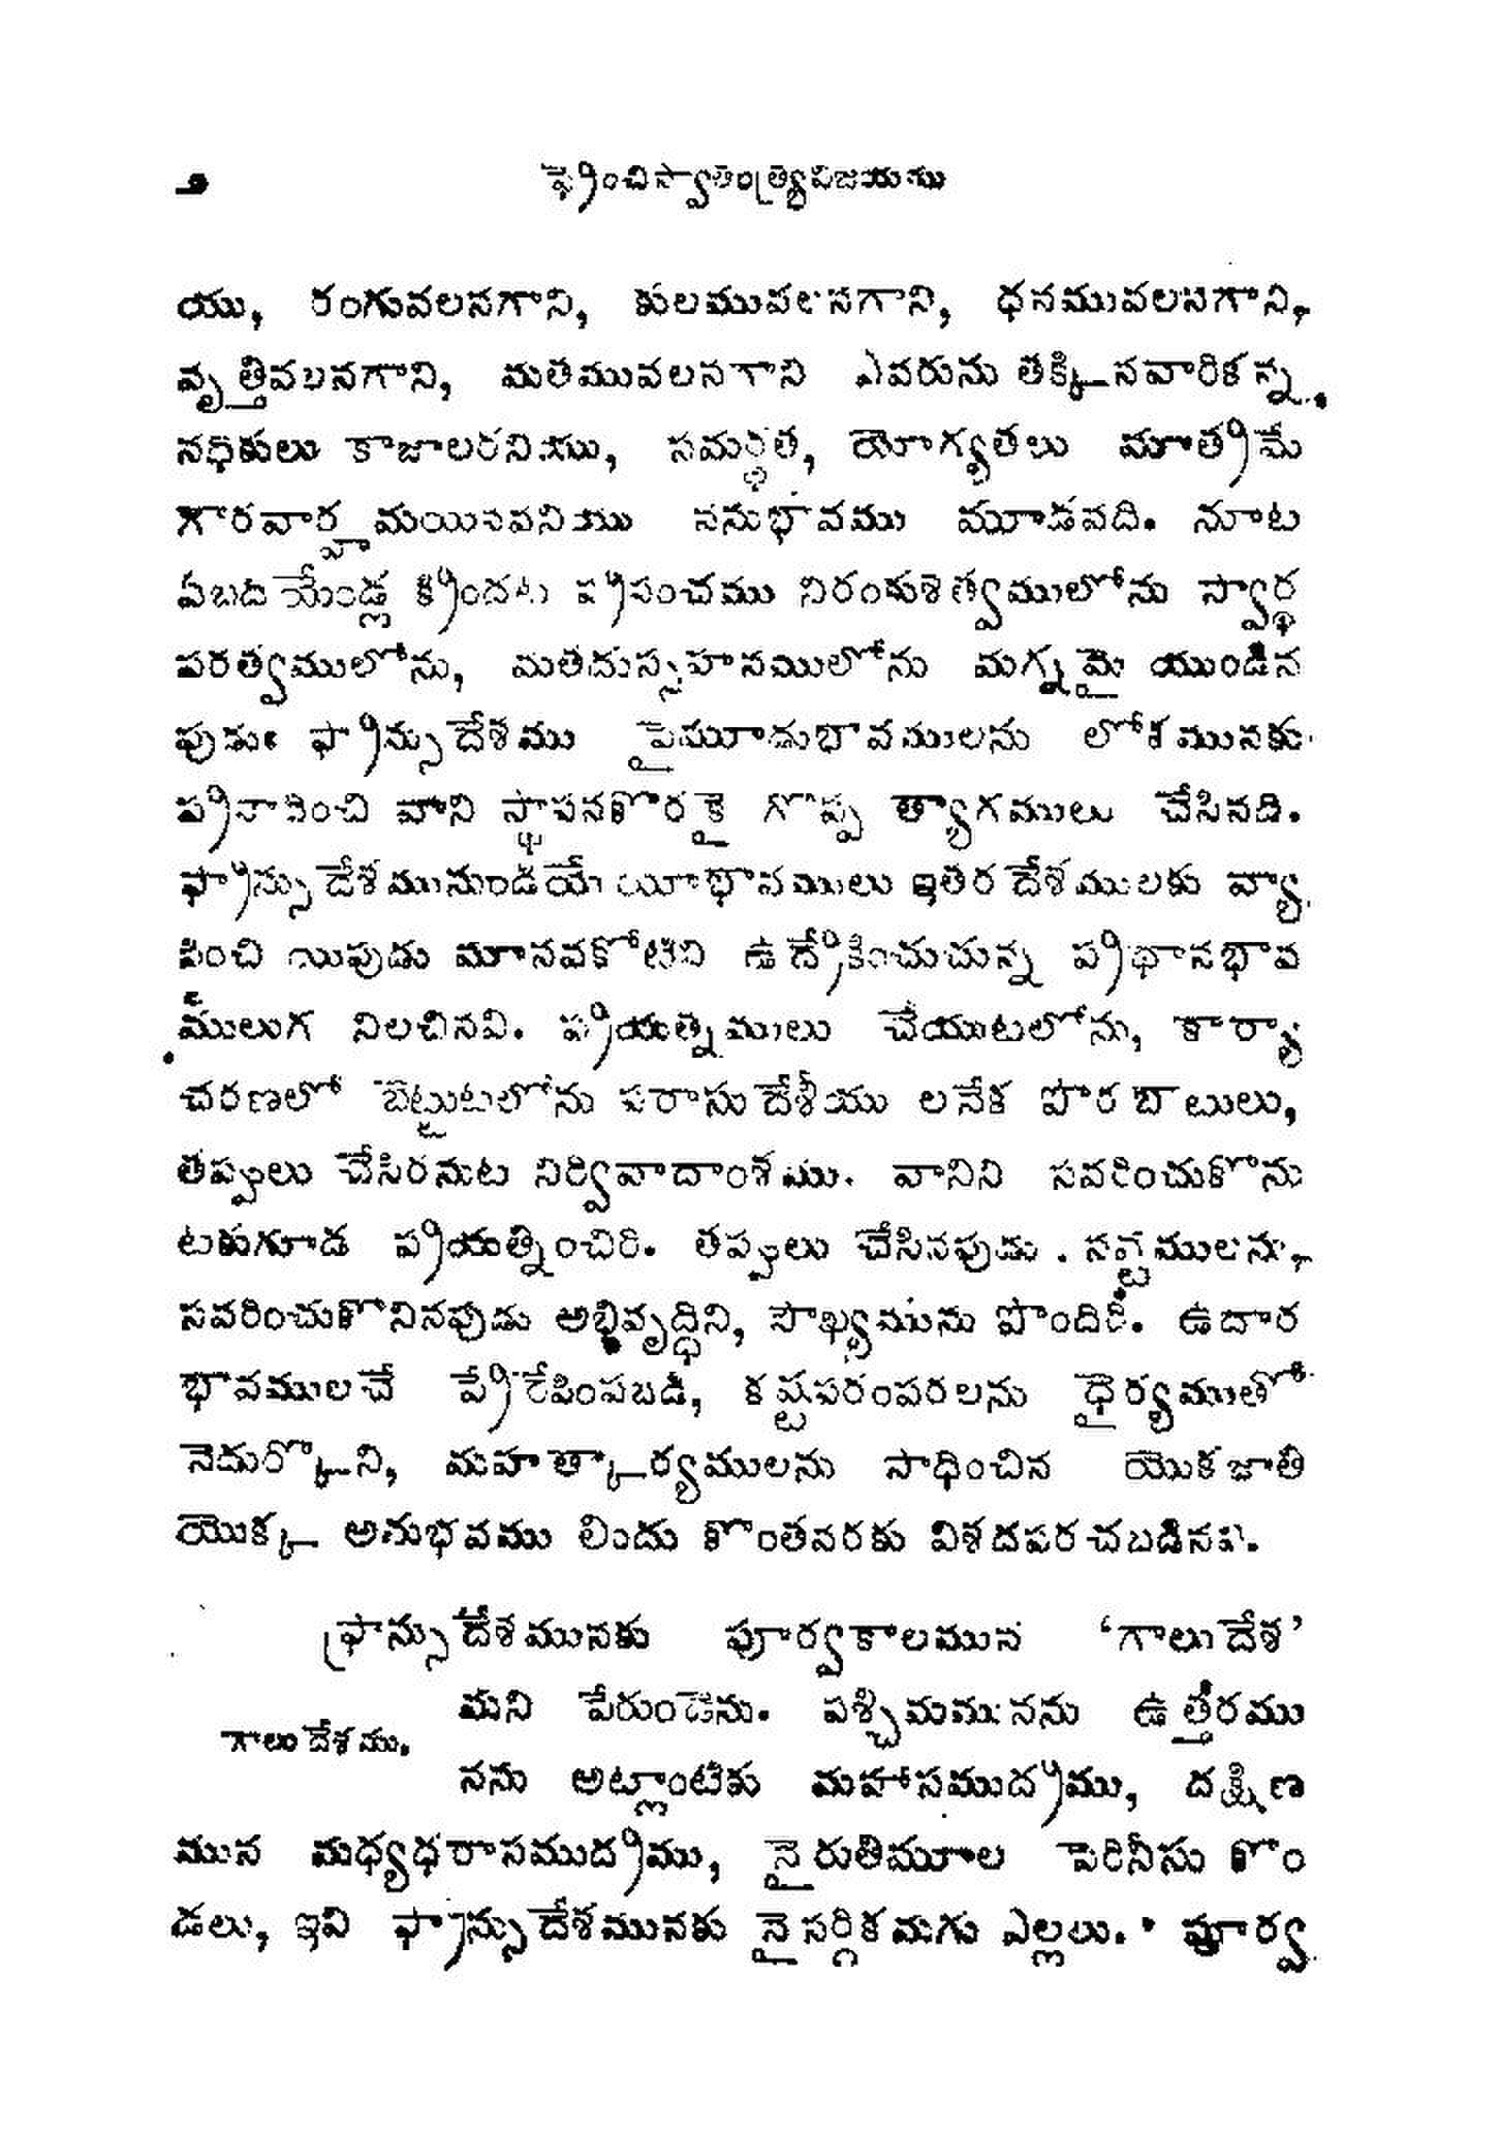యు, రంగువలనగాని, కులమువలసగాని, ధనమువలని గాని,
వృత్తివలన గాని, మతమువలన గాని ఎవరును తక్కినవారికన్న,
నధికులు కాజూలరనియు, సమర్థత, యోగ్యతలు మాత్రమే
గౌరవార్హమయినవనీయు నను భావము మూడవది. నూట
ఏబది యేండ్ల కిందట ప్రపంచము నిరంకుశత్వములోను స్వార్థ
పరత్వములోను, మతదుస్సహసములోను మగ్నమై యుండిన
పుడు ఫ్రాన్సు దేశము పైమూడు భావములను లోకమునకు
ప్రసాదించి వాని స్థాపనకొరకై గొప్ప త్యాగములు చేసినది .
ప్రాస్సు దేశమునుండియే ఈ భావములు ఇతర దేశములకు వ్యా
పించి యిపుడు మానవకోటిని ఉద్రేకించుచున్న ప్రథాసభావ
ములుగ నిలచినవి. ప్రయత్నములు చేయుటలోను, కార్యా
చరణలో 'బెట్టుటలోను పరాసు దేశీ యు లనేక పొర బాటులు,
తప్పులు చేసిరనుట నిర్వివాదాంశము. వానిని సవరించుకొను
టకు గూడ ప్రయత్నించిరి. తప్పులు చేసినపుడు . సత్రములను,
సవరించుకొనినపుడు అభివృద్ధిని, సౌఖ్య మును పొంది. ఉదార
భావములచే ప్రేరేపింపబడి, కష్టపరంపర లను 'ధైర్యముతో
నెదుర్కొని, మహత్కార్యములను సాధించినయొక జాతి
యొక్క అనుభవము లిందు కొంతవరకు విశదపరచబడినవి.

ఫ్రాన్సు దేశ మునకు పూర్వకాలము
'గాలు దేశ, మని పేరుండెను. పశ్చిమము నను ఉత్తరము
నను అట్లాంటికు మహాసముద్రము, దక్షిణ
మున మధ్యధరా సముద్రము, నైరుతిమూల పెరినీసు 
కొండలు, ఇవి ఫ్రాన్సు దేశమునకు నైసర్గికమగు ఎల్లలు. పూర్వ